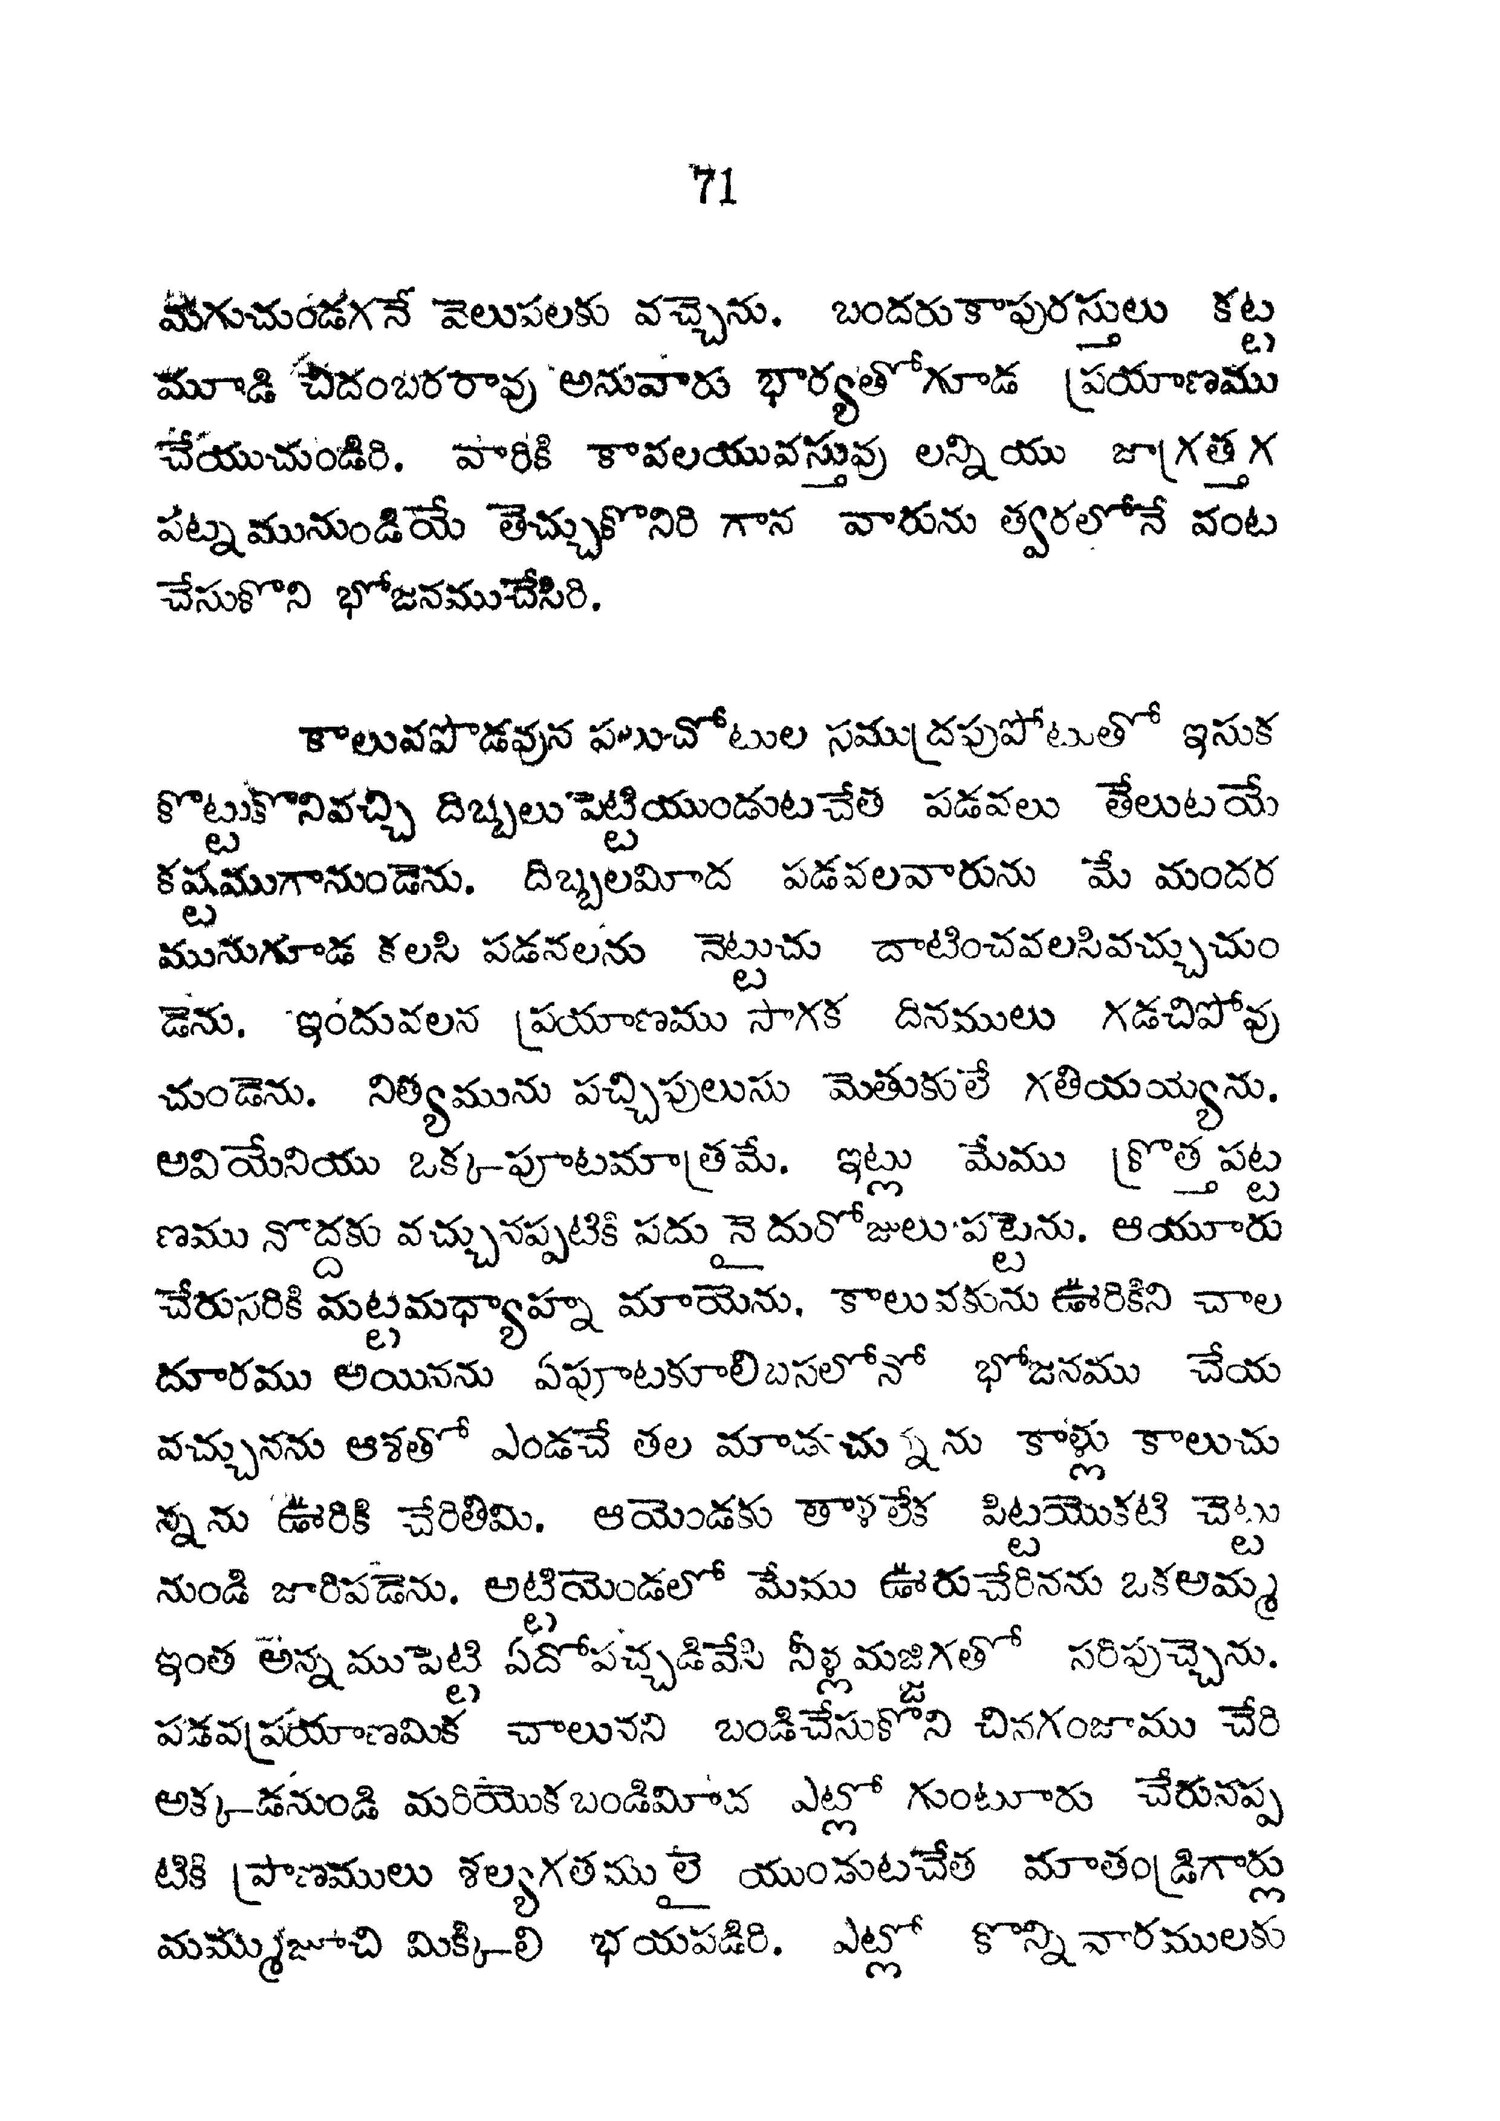మగుచుండగనే వెలుపలకు వచ్చెను. బందరుకాపురస్తులు కట్టమూడి చిదంబరరావు అనువారు భార్యతోగూడ ప్రయాణము చేయుచుండిరి. వారికి కావలయువస్తువు లన్నియు జాగ్రత్తగ పట్నమునుండియే తెచ్చుకొనిరి గాన వారును త్వరలోనే వంటచేసుకొని భోజనముచేసిరి.

కాలువపొడవున పలుచోటుల సముద్రపుపోటుతో ఇసుక కొట్టుకొనివచ్చి దిబ్బలు పెట్టియుండుటచేత పడవలు తేలుటయే కష్టముగానుండెను. దిబ్బలమీద పడవలవారును మే మందరమునుగూడ కలసి పడవలను నెట్టుచు దాటించవలసివచ్చుచుండెను. ఇందువలన ప్రయాణము సాగక దినములు గడచిపోవుచుండెను. నిత్యమును పచ్చిపులుసు మెతుకులే గతియయ్యను. అవియేనియు ఒక్కపూటమాత్రమే. ఇట్లు మేము క్రొత్తపట్టణము నొద్దకు వచ్చునప్పటికి పదునైదురోజులు పట్టెను. ఆయూరు చేరుసరికి మట్టమధ్యాహ్న మాయెను. కాలువకును ఊరికిని చాలదూరము అయినను ఏపూటకూలిబసలోనో భోజనము చేయవచ్చునను ఆశతో ఎండచే తల మాడుచున్నను కాళ్లు కాలుచున్నను ఊరికి చేరితిమి. ఆయెండకు తాళలేక పిట్టయొకటి చెట్టునుండి జారిపడెను. అట్టియెండలో మేము ఊరుచేరినను ఒక అమ్మ ఇంత అన్నముపెట్టి ఏదోపచ్చడివేసి నీళ్లమజ్జిగతో సరిపుచ్చెను. పడవప్రయాణమిక చాలునని బండిచేసుకొని చినగంజాము చేరి అక్కడనుండి మరియొకబండిమీద ఎట్లో గుంటూరు చేరునప్పటికి ప్రాణములు శల్యగతములై యుండుటచేత మాతండ్రిగార్లు మమ్ముజూచి మిక్కిలి భయపడిరి. ఎట్లో కొన్నివారములకు